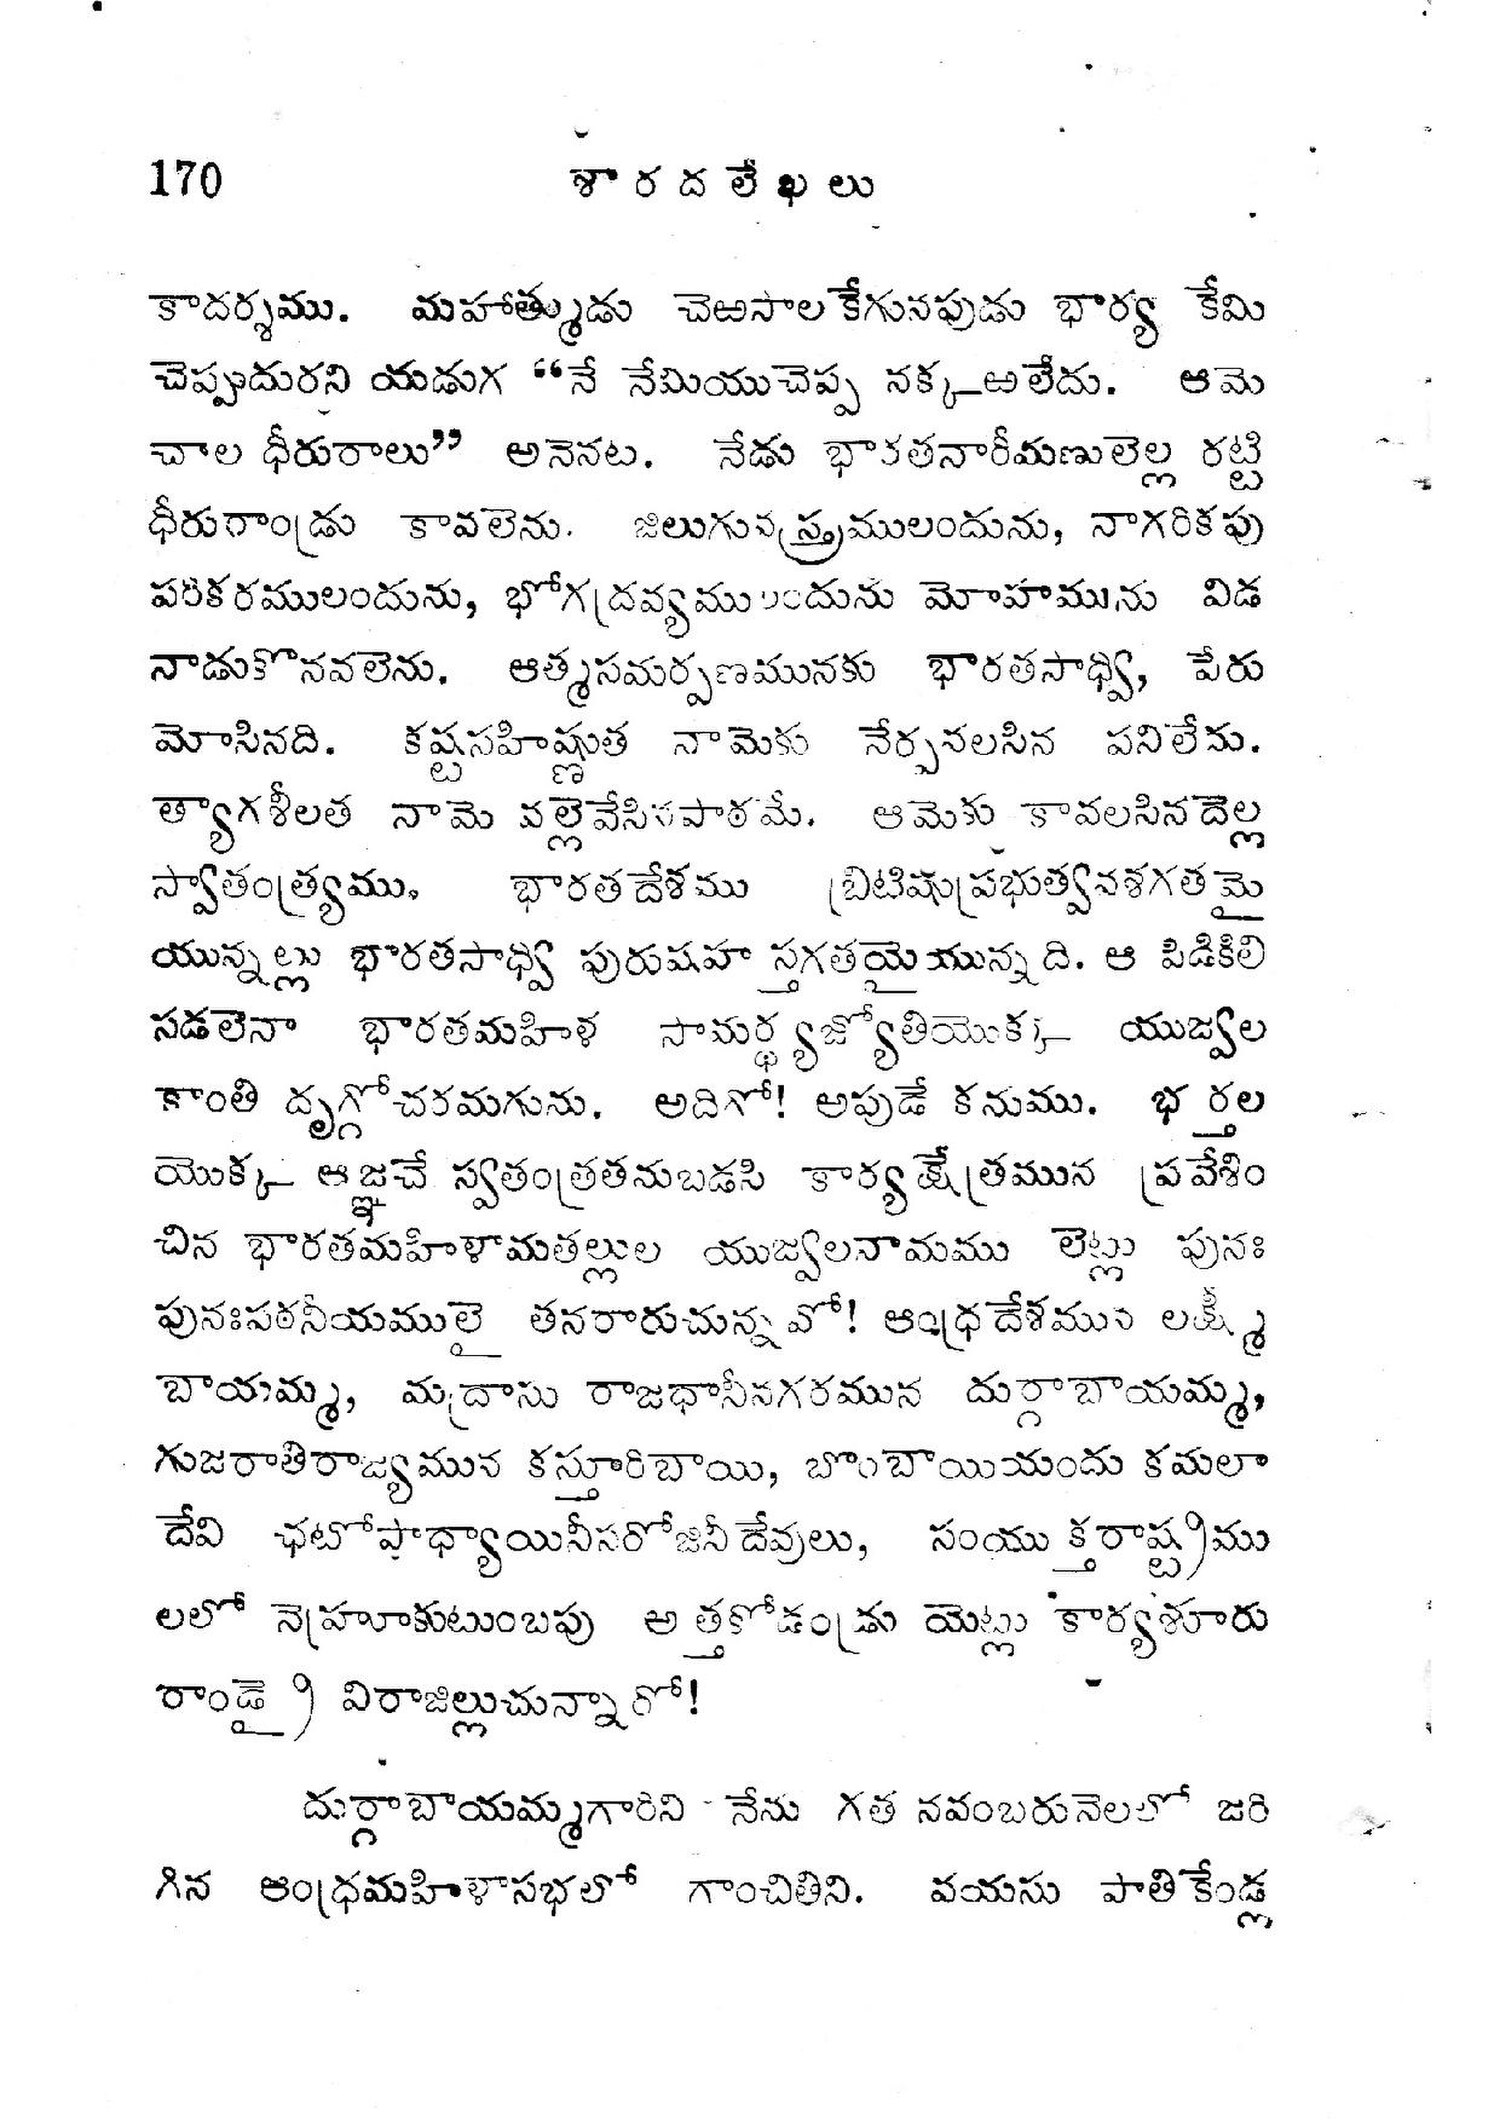కాదర్శము. మహాత్ముడు చెఱసాలకేగునపుడు భార్య కేమి చెప్పుదురని యడుగ "నే నేమియుచెప్ప నక్కఱలేదు. ఆమె చాల ధీరురాలు" అనెనట. నేడు భారతనారీమణులెల్ల రట్టి ధీరురాండ్రు కావలెను. జిలుగువస్త్రములందును, నాగరికపు పరికరములందును, భోగద్రవ్యములందును మోహమును విడనాడుకొనవలెను. ఆత్మసమర్పణమునకు భారతసాధ్వి, పేరుమోసినది. కష్టసహిష్ణుత నామెకు నేర్పవలసిన పనిలేదు. త్యాగశీలత నామె వల్లెవేసినపాఠమే. ఆమెకు కావలసినదెల్ల స్వాతంత్య్రము. భారతదేశము బ్రిటిషుప్రభుత్వవశగతమై యున్నట్లు భారతసాధ్వి పురుషహస్తగతయైయున్నది. ఆ పిడికిలి
సడలెనా భారతమహిళ సామర్థ్యజ్యోతియొక్క యుజ్వలకాంతి దృగ్గోచరమగును. అదిగో! అప్పుడే కనుము. భర్తలయొక్క ఆజ్ఞచే స్వతంత్రతనుబడసి కార్యక్షేత్రమున ప్రవేశించిన భారతమహిళామతల్లుల యుజ్వలనామము లెట్లు పునఃపునఃపఠనీయములై తనరారుచున్నవో! ఆంధ్రదేశమున లక్ష్మీబాయమ్మ, మద్రాసు రాజధానీనగరమున దుర్గాబాయమ్మ, గుజరాతిరాజ్యమున కస్తూరిబాయి, బొంబాయియందు కమలాదేవి ఛటోపాధ్యాయినీసరోజనీదేవులు, సంయుక్తరాష్ట్రములలో నెహ్రూకుటుంబపు అత్తకోడండ్రు యెట్లు కార్యశూరురాండ్రై విరాజిల్లుచున్నారో!

దుర్గాబాయమ్మగారిని - నేను గత నవంబరునెలలో జరిగిన ఆంధ్రమహిళాసభలో గాంచితిని. వయసు పాతికేండ్ల